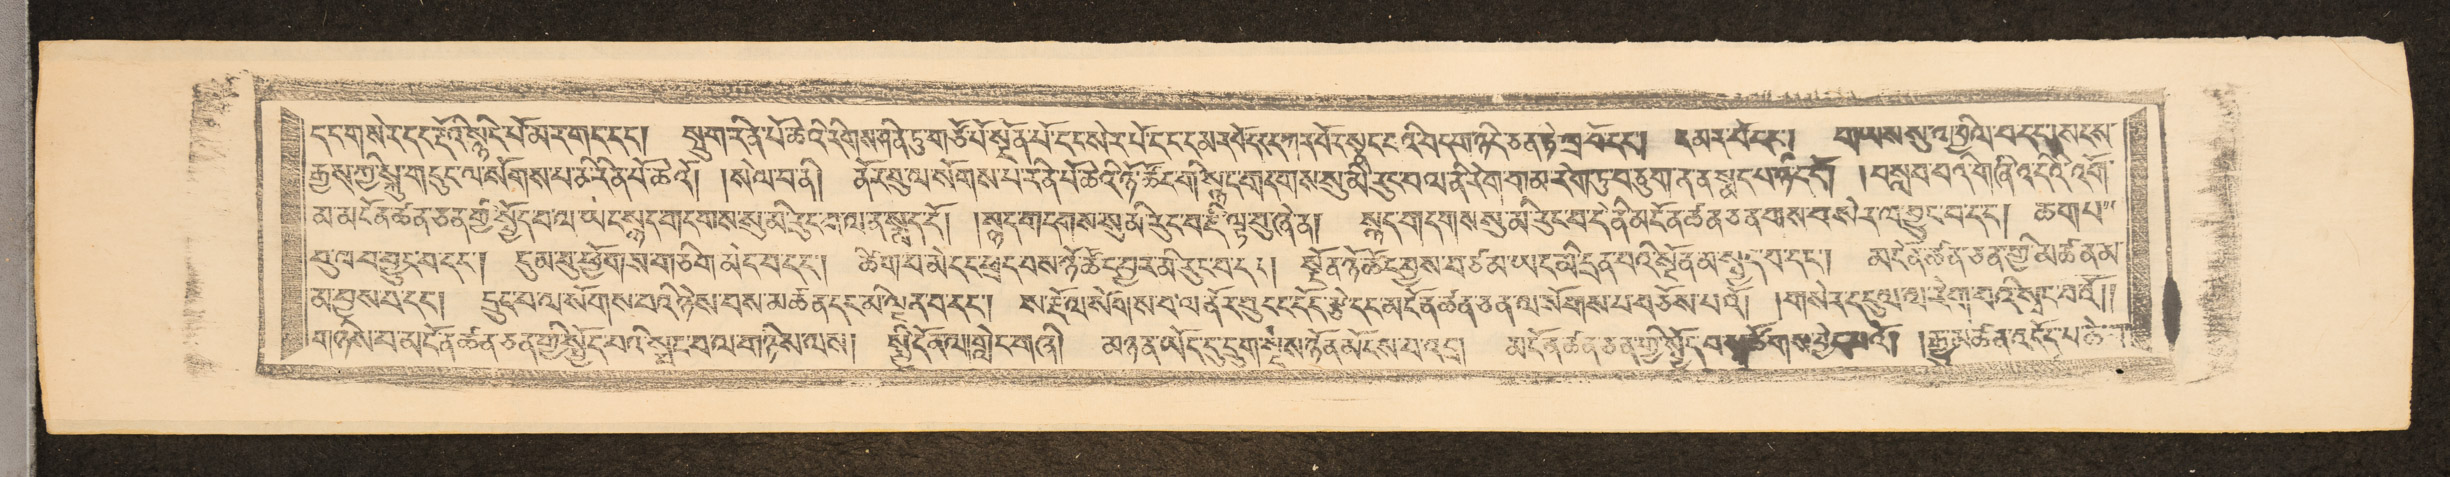དང་གསེར་དང་རྔོའི་སྙིང་པོ་མར་གད་དང་། སྤུག་རིན་པོ་ཆེའི་རིགས་ཤིན་ཏུ་གཙོ་བོ་སྔོན་པོ་དང་སེར་པོ་དང་དམར་པོ་དང་དཀར་པོར་སྣད་བའི་བདག་ཉིད་ཅན་ཏེ་ཁྲ་པོ་དང་། དམར་པོ་དང་། གཡས་སུ་འཁྱིལ་བ་དང་། སངས་
རྒྱས་ཀྱི་སྐུ་གདུང་ལ་སོགས་པ་ནི་རིན་པོ་ཆེའོ། །སེལ་བ་ནི། ནོར་བུ་ལ་སོགས་པ་རིན་པོ་ཆེའི་ཉོ་ཚོང་གི་སྙད་གདགས་སུ་མི་རུང་བ་ལ་ནི་རེག་གམ་རེག་ཏུ་བཅུག་ན་ནི་སྨད་པ་ཉིད་དོ། །བསླབ་པའི་གཞི་འདིའི་འོག་
མ་མངོན་ཚན་ཅན་གྱི་སྤྱོད་པ་ལ་ཡང་སྙད་གདགས་སུ་མི་རུང་བ་ལ་ན་སྨད་དོ། །སྙད་གདགས་སུ་མི་རུང་བ་ཇི་ལྟ་བུ་ཞེ་ན། སྙང་གདགས་སུ་མི་རུང་བ་དེ་ནི་མངོན་ཚན་ཅན་གས་པ་སེར་ཁ་བྱུང་བ་དང་། ཆག་བ་
བུ་ཁ་པ་བྱུང་བ་དང་། དུམ་བུ་ཕྱོགས་གཅིག་མེད་པ་དང་། ཚིག་པ་མེ་དང་ཕྲད་བས་ཉོ་ཚོང་བྱར་མི་རུང་བ་དང་། སྔོན་ཉོ་ཚོང་བྱས་པ་ཙམ་ཡང་མི་དྲན་པའི་སྔོན་མ་སྤྱད་པ་དང་། མངོན་ཚན་ཅན་གྱི་མཚན་མ་
མ་བྱས་པ་དང་། དྲུད་པ་ལ་སོགས་པའི་ཉེས་པས་མཚན་དང་མི་ལྡན་པ་དང་། ས་རྡོ་ལ་སོགས་པ་ལ་ནོར་བུ་དང་དོད་རྩེ་དང་མངོན་ཚན་ཅན་ལ་སོགས་པ་བཅོས་པའོ། །གསེར་དངུལ་ལ་རེག་པའི་སྤང་བའོ།།
གཉིས་པ་མངོན་ཚན་ཅན་གྱི་སྤྱོད་པའི་སྤང་བ་ལ་གཉིས་ལས། སྤྱི་དོན་ལ་གླེང་གཞི། མཉན་ཡོང་དུ་དྲུག་སྔེས་ཉོན་མོངས་པ་འདྲ། མངོན་ཚན་ཅན་གྱི་སྤྱོད་པ་སྣ་ཚོགས་བྱེད་པའོ། །རྒྱུ་མཚན་འདོད་པ་ཆེ་བ་